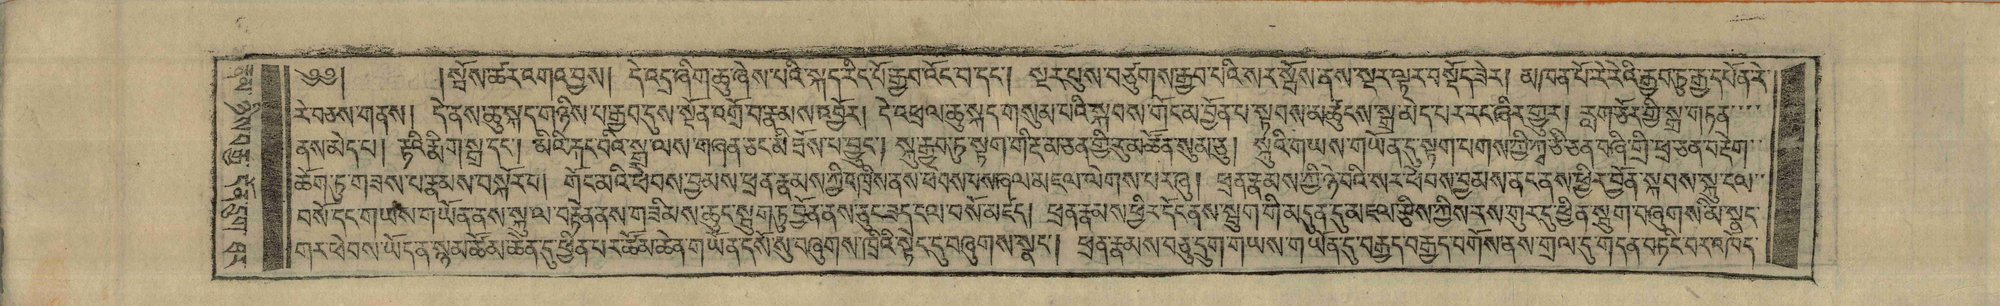༄༅། །སྦོས་ཚར་འགའ་བྱས། དེ་འདྲ་ཞིག་ཆུ་ཞེས་པའི་སྐད་རིང་པོ་རྒྱབ་འོང་བ་དང་། སྔར་པུས་བཙུགས་རྒྱབ་པའི་སར་སྦོས་ནས་སྔར་ལྟར་བསྡོད་ཟེར། མཁན་པོ་རེ་རེའི་རྒྱབ་ཏུ་རྒྱ་དཔོན་རེ་
རེ་བཅས་གནས། དེ་ནས་ཆུ་སྐད་གཉིས་པ་རྒྱབ་དུས་སྔོན་འགྲོ་བ་རྣམས་འབྱོར། དེ་འཕྲལ་ཆུ་སྐད་གསུམ་པའི་སྐབས་གོང་མ་བྱོན་པ་སྟབས་མཚུངས་སྒྲ་མེད་པར་རང་ཞིར་གྱུར། རླག་ཅོར་གྱི་སྒྲ་གཏན་
ནས་མེད་པ། རྟའི་རྨིག་སྒྲ་དང་། མིའི་རྐང་པའི་སྒྲ་ལས་གཞན་ཅང་མི་ཐོས་པ་བྱུང་། སྐུ་རྒྱབ་ཏུ་སྟག་གི་རྔ་མ་ཅན་གྱི་རུ་མཚོན་སུམ་ཅུ། སྐུའི་གཡས་གཡོན་དུ་སྟག་པགས་ཀྱི་ཀྭ་ཅི་ཅན་བཞི་གྲི་ཕྲ་ཅན་བརྡེག་
ཆོག་ཏུ་གཟས་པ་རྣམས་བསྐོར་བ། གོང་མའི་ཕེབས་བྱམས་ཕྲན་རྣམས་ཀྱི་འཁྲིས་ནས་ཕེབས་པས་ཞལ་མཇལ་ལེགས་པར་ཞུ། ཕྲན་རྣམས་ཀྱི་ཉེ་བའི་སར་ཕེབས་བྱམས་ནང་ནས་ཕྱིར་བྱོན་སྐབས་སྐུ་ངལ་
བསོ་དང་གཡས་གཡོན་ནས་སྐུ་ལ་བརྟེན་ནས་གཟིམས་ཆུང་སྦུག་ཏུ་བྱོན་ནས་ཅུང་ཟད་ངལ་བསོ་མཛད། ཕྲན་རྣམས་ཕྱིར་དོང་ནས་སྦུག་གི་མདུན་དུ་མཇལ་རྩིས་ཀྱིས་རས་གུར་དུ་ཕྱིན་སྦུག་བཞུགས་མི་སྣང་
གར་ཕེབས་ཡོད་ན་སྙམ་ཚོམ་ཆེན་དུ་ཕྱིན་པར་ཚོམ་ཆེན་གཡོན་དོས་སུ་བཞུགས་ཁྲིའི་སྟེང་དུ་བཞུགས་སྣང་། ཕྲན་རྣམས་བཅུ་དྲུག་གཡས་གཡོན་དུ་བརྒྱད་བརྒྱད་བགོས་ནས་གྲལ་དུ་གདན་བཏིང་བར་འཁོད་